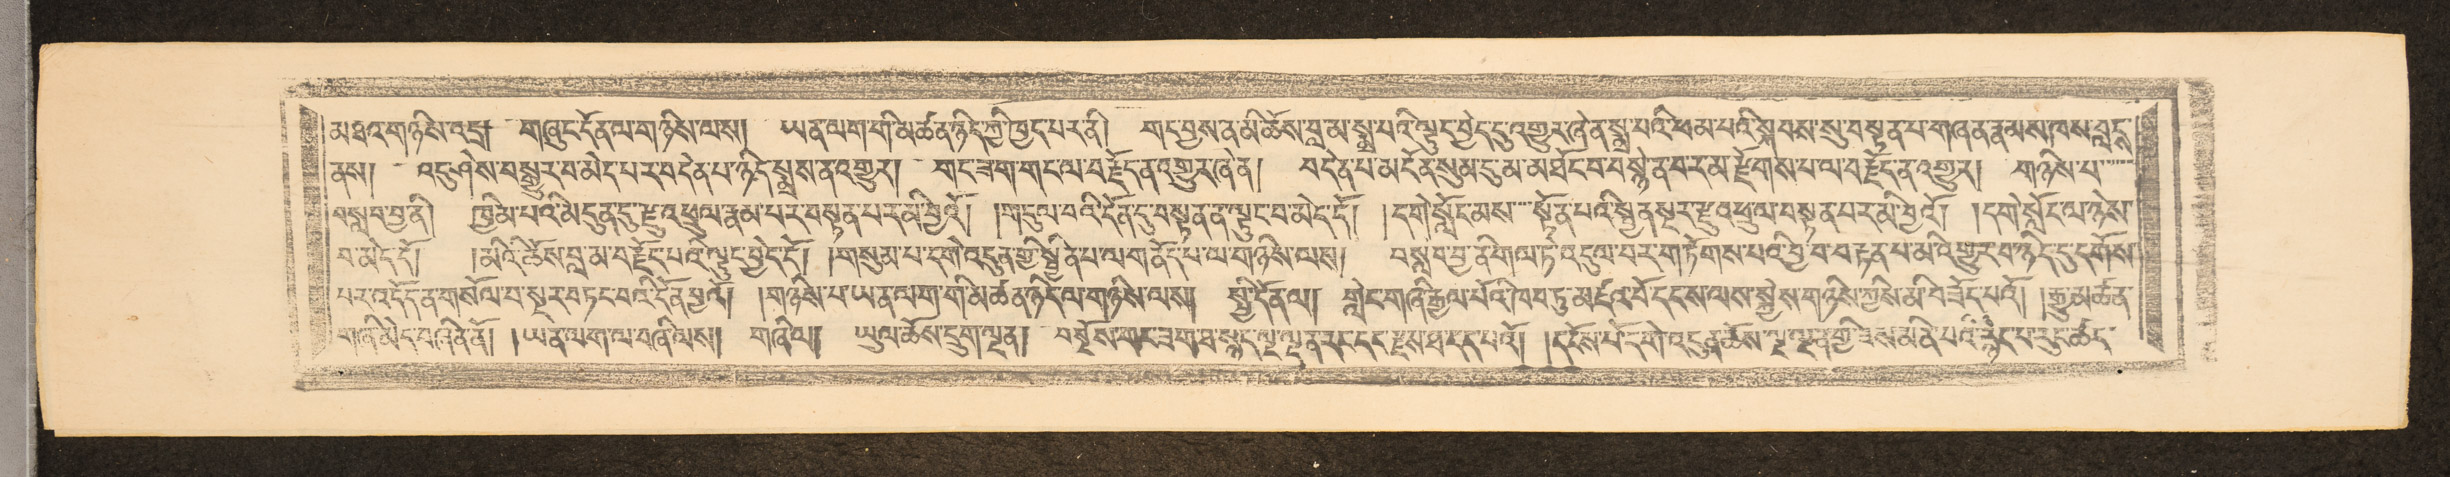མཐའ་གཉིས་འདྲ། གཞུང་དོན་ལ་གཉིས་ལས། ཡན་ལག་གི་མཚན་ཉིད་ཀྱི་ཁྱད་པར་ནི། གང་བྱས་ན་མི་ཆོས་བླ་མ་སྨྲ་བའི་ལྟུང་བྱེད་དུ་འགྱུར་ཞེ་ན་སྨྲ་བའི་ཕམ་བའི་སྐབས་སུ་བསྟན་པ་གཞན་རྣམས་ཁས་བླངས་
ནས། འདུ་ཤེས་བསྒྱུར་བ་མེད་པར་བདེན་པ་ཉིད་སྨྲས་ན་འགྱུར། གང་ཟག་གང་ལ་བརྗོད་ན་འགྱུར་ཞེ་ན། བདེན་པ་མངོན་སུམ་དུམ་མཐོང་བ་བསྙེན་པར་མ་རྫོགས་པ་ལ་བརྗོད་ན་འགྱུར། གཉིས་པ་
བསླབ་བྱ་ནི། ཁྱིམ་པའི་མདུན་དུ་རྫུ་འཕྲུལ་རྣམ་པར་བསྟན་པར་མི་བྱའོ། །གདུལ་བའི་དོན་དུ་བསྟན་ན་ལྟུང་བ་མེད་དོ། །དགེ་སློང་མས་སྟོན་པའི་སྤྱན་སྔར་རྫུ་འཕྲུལ་བསྟན་པར་མི་བྱའོ། །དགེ་སློང་ལ་ཉེས་
པ་མེད་དོ། །མིའི་ཆོས་བླ་མ་བརྗོད་པའི་ལྟུང་བྱེད་དོ། །གསུམ་པ་དགེ་འདུན་གྱི་སྦྱིན་པ་ལ་གནོད་པ་ལ་གཉིས་ལས། བསླབ་བྱ་ནི་གལ་ཏེ་འདུལ་བར་གཏོགས་པའི་བྱ་བ་བརྟན་པ་མི་འགྱུར་བ་ཉིད་དུ་དགོས་
པར་འདོད་ན་གསོལ་བ་སྔར་བཏང་བའི་དོན་བྱའོ། །གཉིས་པ་ཡན་ལག་གི་མཚན་ཉིད་ལ་གཉིས་ལས། སྤྱི་དོན་ལ། གླེང་གཞི་རྒྱལ་པོའི་ཁབ་ཏུ་མཛའ་བོ་དང་ས་ལས་སྐྱེས་གཉིས་ཀྱིས་མི་བཟོད་པའོ། །རྒྱུ་མཚན་
གཞི་མེད་བཞིན་ནོ། །ཡན་ལག་ལ་བཞི་ལས། གཞི་ལ། ཡུལ་ཆོས་དྲུག་ལྡན། བསྡོས་གང་ཟག་ཐ་སྙད་ལྔ་ལྡན་རང་དང་རྫས་ཐ་དད་པའོ། །དངོས་པོ་དགེ་འདུན་ཆོས་ལྔ་ལྡན་གྱི་ཟས་མིན་པའི་རྙེད་པ་རུང་ཚང་